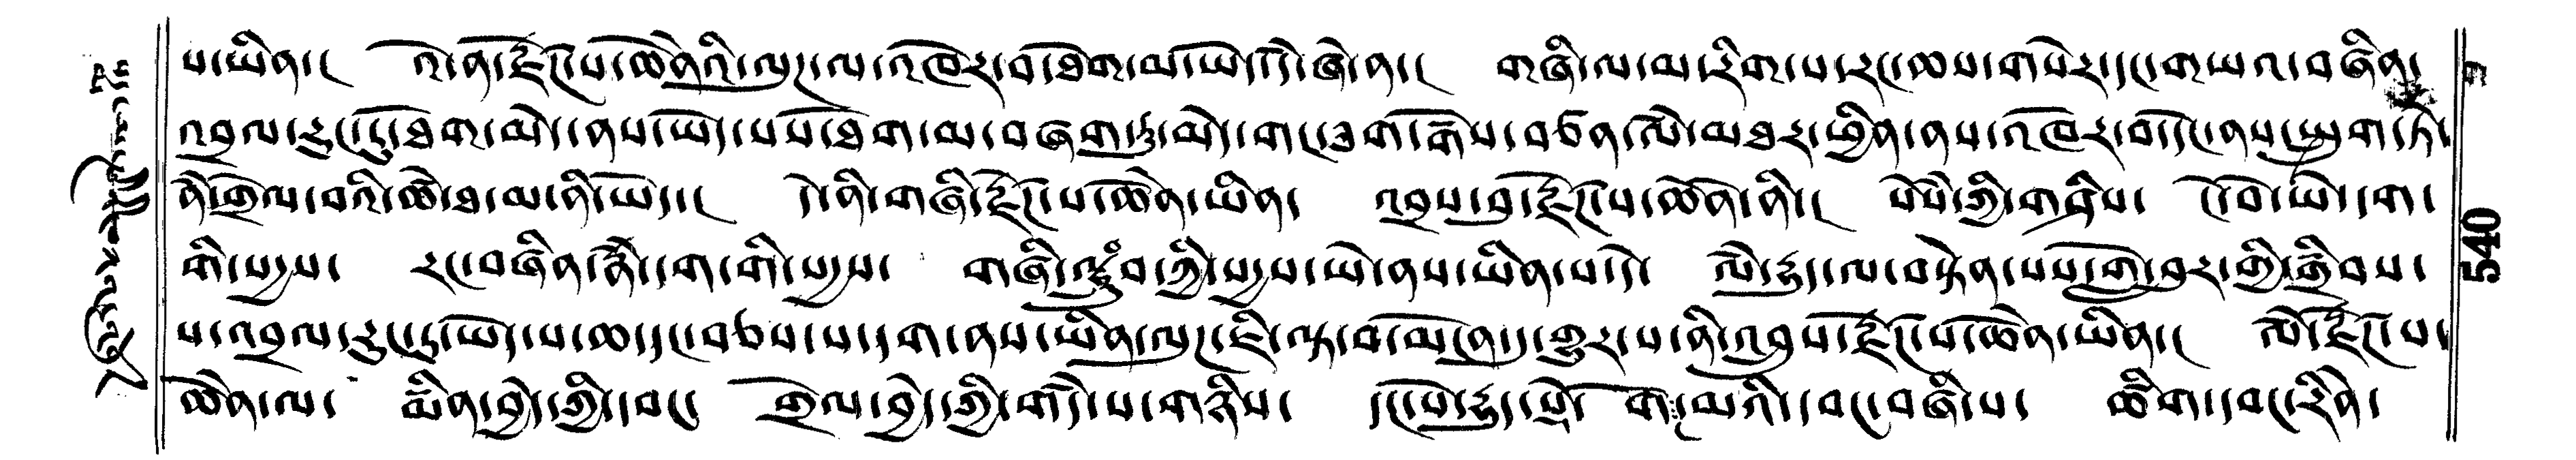པ་ཡིན། འོ་ན་རྫོགས་པ་ཆེན་པོའི་ལུགས་ལ་འཁོར་བ་ལ་ཐོག་མ་ཡོད་དམ་ཞེ་ན། གཞི་ལ་མ་རིག་པ་རང་ཆས་གསེར་དང་གཡའ་བཞིན་
འབྲལ་རུང་དུ་ཐོག་མེད་ནས་ཡོད་པས་ཐོག་མ་བཞག་ཏུ་མེད། གང་ཟག་སྒོས་བཙན་ལམ་མཐར་ཕྱིན་ནས་འཁོར་བ་དོང་ནས་སྤྲུགས་ཏེ་
ནམ་གྲོལ་བའི་ཚེ་ཐ་མ་ནི་ཡོད། དེ་ནི་གཞི་རྫོགས་པ་ཆེན་པོ་ཡིན། འབྲས་བུ་རྫོགས་པ་ཆེན་པོ་ནི། སེམས་ཀྱི་གཤིས་ ངོ་བོ་ཡེ་དག་
གི་སངས་རྒྱས། རང་བཞིན་རྣམ་དག་གི་སངས་རྒྱས། གཞི་ལྷུན་གྲུབ་ཀྱི་སངས་རྒྱས་ཡེ་ནས་ཡིན་པ་དེ། ལམ་རྒྱུད་ལ་བསྟེན་པས་གློ་བུར་གྱི་སྒྲིབ་
པ་འབྲལ་རུང་དུ་ཡོད་པ་ཆ་དང་བཅས་པ་དག་ནས་ཡིན་ལུགས་ཇི་ལྟ་བ་མངོན་དུ་གྱུར་པ་ནི་འབྲས་བུ་རྫོགས་པ་ཆེན་པོ་ཡིན། ལམ་རྫོགས་པ་
ཆེན་པོ་ལ། སྨིན་བྱེད་ཀྱི་དབང་དང་གྲོལ་བྱེད་ཀྱི་གདམས་པ་གཉིས། དང་པོ། རྒྱུད་སྡེ་གོང་མའི་དབང་བཞི་པ་ཚིག་དབང་རིན་པོ་ཆེ་